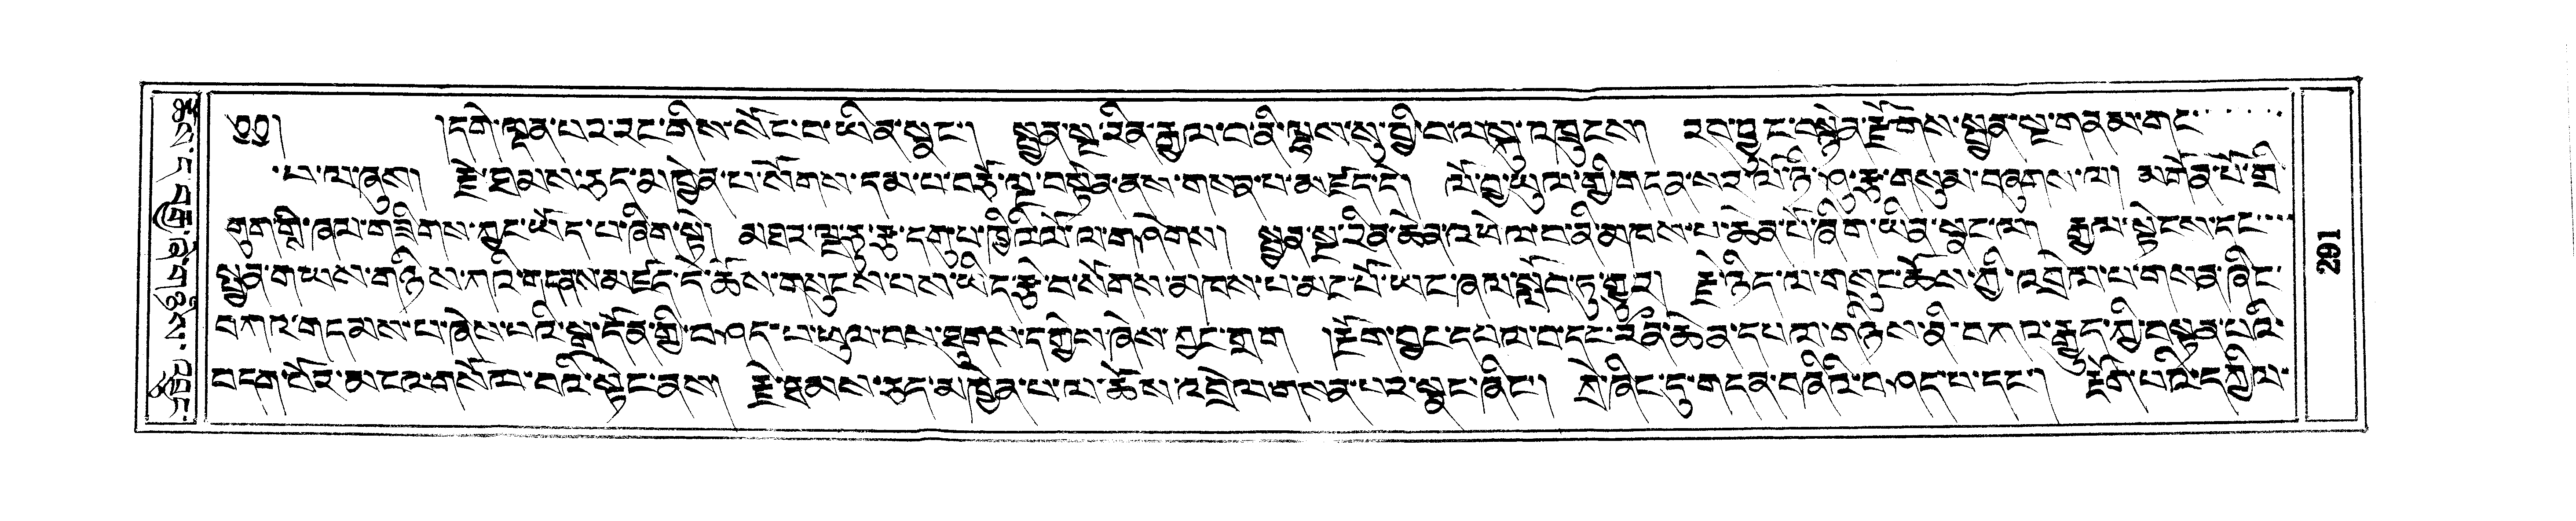༄༅། །དགེ་ལྡན་པར་རང་གིས་སོང་བ་ཡིན་སྣང་། སྤྱན་སྔ་རིན་རྒྱལ་བ་ནི་ལྷས་སུ་བྱི་བ་ལ་སྐུ་འཁྲུངས། རབ་བྱུང་བསྙེན་རྫོགས་སྤྱན་སྔ་གནམ་གང་
པ་ལ་ཞུས། རྗེ་ཐམས་ཅད་མཁྱེན་པ་སོགས་དམ་པ་བཅོ་ལྔ་བསྟེན་ནས་གསན་པ་མཛད་དེ། ལོ་བྱ་ཡུལ་གྱི་གདན་སར་ལོ་ཉི་ཤུ་རྩ་གསུམ་བཞུགས་ལ། མགོན་པོ་གྲི་
གུག་གིས་ཞལ་གཟིགས་ཀྱང་ཡོད་པ་ཞིག་སྟེ། མཐར་ལྔ་ཅུ་རྩ་དགུ་པ་ཁྱིའི་ལོ་ལ་གཤེགས། སྤྱན་སྔ་རིན་ཆེན་འཕེལ་བ་ནི་མཁས་པ་ཆེན་པོ་ཞིག་ཡིན་སྣང་ལ། རྒྱལ་སྟེངས་དང་
སྤྱན་གཡས་གཉིས་ཀའི་གདན་ས་མཛད་དེ་ཆོས་གསུངས་པས་ཡིད་རྩེ་བ་སོགས་མཁས་པ་མང་པོ་ཡང་ཞལ་སློབ་ཏུ་གྱུར། རྗེ་ཉིད་ལ་གསུང་ཆོས་ཀྱི་འབྲེལ་པ་གསན་ཞིང་
བཀའ་གདམས་པ་ཞེས་པའི་སྒྲ་དོན་གྱི་བཤད་པ་ཕུལ་བས་ཐུགས་དགྱེས་ཞེས་ཀྱང་གྲག །རྔོག་བྱང་དཔལ་བ་དང་རྀན་ཆེན་དཔལ་གཉིས་ནི་བཀའ་རྒྱུད་ཀྱི་བསྟན་པའི་
བདག་བོར་མངའ་གསོལ་བའི་སྟེང་ནས། རྗེ་ཐམས་ཅད་མཁྱེན་པ་ལ་ཆོས་འབྲེལ་གསན་པར་སྣང་ཞིང་། ཀྲེ་ཞིང་དུ་གདན་བཞིའི་བཤད་པ་དང་། རྡོག་པའི་དཀྱིལ་